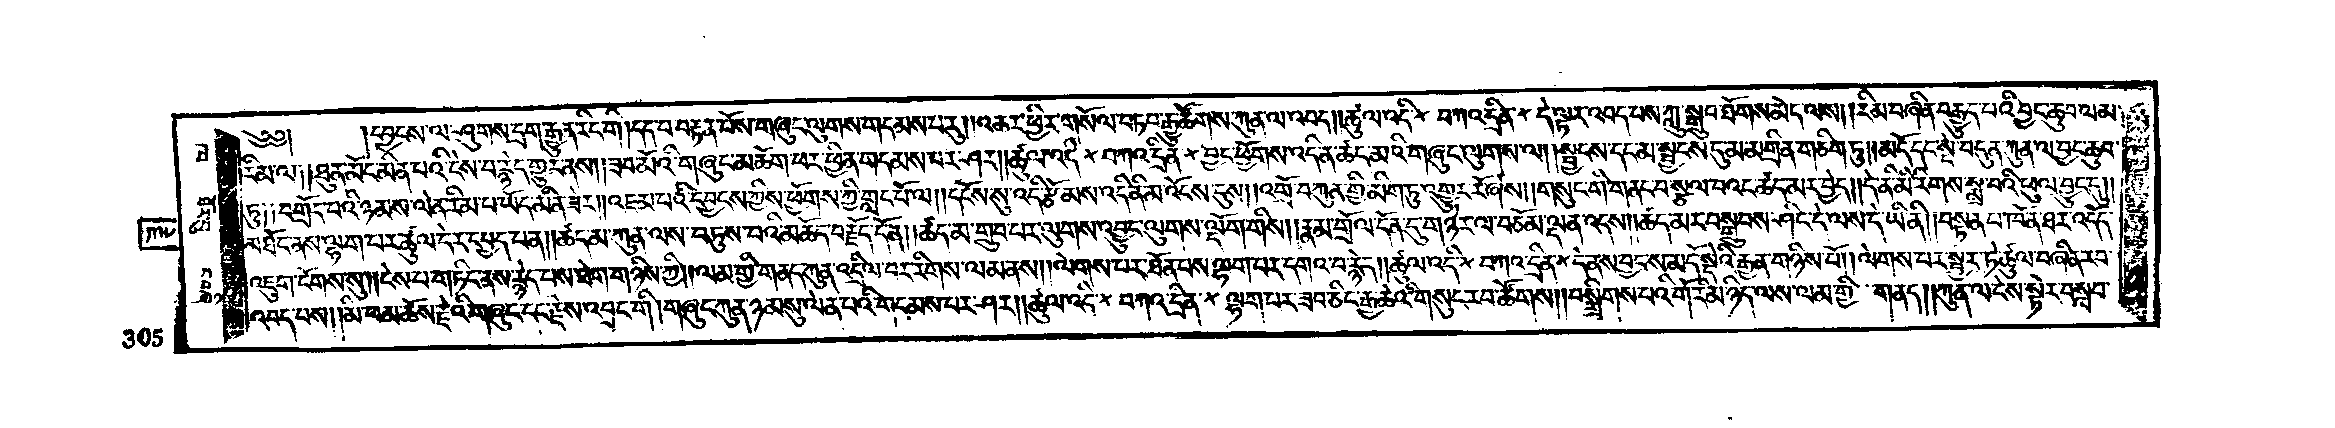༄༅། །དབྱངས་ལ་ཤུགས་དྲག་རྒྱུན་རིང་གི །དད་པ་བརྟན་པོས་གཞུང་ལུགས་གདམས་པ་རུ། །འཆར་ཕྱིར་གསོལ་བཏབ་རྒྱུ་ཚོགས་ཀུན་ལ་འབད། །ཚུལ་འདི་྾་བཀའ་དྲིན་྾་དེ་ལྟར་འབད་པས་ཀླུ་སྒྲུབ་ཐོགས་མེད་ལས། །རིམ་བཞིན་བརྒྱུད་པའི་བྱང་ཆུབ་ལམ་
རིམ་ལ། །ཐུན་མོང་མིན་པའི་ངེས་པ་རྙེད་གྱུར་ནས། །ཟབ་མོའི་གཞུང་མཆོག་ཕར་ཕྱིན་གདམས་པར་ཤར། །ཚུལ་འདི་྾་བཀའ་དྲིན་྾་བྱང་ཕྱོགས་འདི་ན་ཚད་མའི་གཞུང་ལུགས་ལ། །སྦྱངས་དང་མ་སྦྱངས་དུ་མ་མགྲིན་གཅིག་ཏུ། །མདོ་དང་སྡེ་བདུན་ཀུན་ལ་བྱང་ཆུབ་
ཏུ༑ ༑བགྲོད་པའི་ཉམས་ལེན་རིམ་པ་ཡོད་མིན་ཟེར། །འཇམ་པའི་དབྱངས་ཀྱིས་ཕྱོགས་ཀྱི་གླང་པོ་ལ། །དངོས་སུ་འདི་རྩོམ་འདི་ནི་མ་འོངས་དུས། །འགྲོ་བ་ཀུན་གྱི་མིག་ཏུ་འགྱུར་རོ་ཞེས། །གསུང་གི་གནང་བསྩལ་བའན་ཚད་མར་བྱེད། །དེ་ནི་མི་རིགས་སྨྲ་བའི་ཕུལ་བྱུང་དུ། །
མཐིང་ནས་ལྷག་པར་ཚུལ་དེར་དཔྱད་པ་ན། །ཚད་མ་ཀུན་ལས་བཏུས་པའི་མཆོད་བརྗོད་དོན། །ཚད་མ་གྲུབ་པར་ལུགས་འབྱུང་ལུགས་ལྡོག་གིས། །རྣམ་གྲོལ་དོན་དུ་གཉེར་ལ་བཅོམ་ལྡན་འདས། །ཚད་མར་བསྒྲུབས་ཤིང་དེ་ལས་དེ་ཡི་ནི། །བསྟན་པ་ཁོ་ན་ཐར་འདོད་
འཇུག་ངོགས་སུ། །ངེས་པ་གཏིང་ནས་རྙེད་པས་ཐེག་གཉིས་ཀྱི། །ལམ་གྱི་གནད་ཀུན་འདྲིལ་བར་རིགས་ལམ་ནས། །ལེགས་པར་ཐན་པས་ལྷག་པར་དགའ་བ་རྙེད། །ཚུལ་འདི་྾་བཀའ་དྲིན་྾་དེ་ནས་བྱང་ས་མདོ་སྡེའི་རྒྱན་གཉིས་པོ། །ལེགས་པར་སྦྱར་ཏེ་ཚུལ་བཞིན་རབ་
འབད་པས། །མི་ཕམ་ཆོས་རྗེའི་གཞུང་དང་རྗེས་འབྲང་གི །གཞུང་ཀུན་ཉམས་སུ་ལེན་པའི་གདམས་པར་ཤར། །ཚུལ་འདི་྾་བཀའ་དྲིན་྾་ལྷག་པར་ཟབ་ཅིང་རྒྱ་ཆེའི་གསུང་རབ་ཚོགས། །བསྒྲིགས་པའི་གོ་རིམ་ཉིད་ལས་ལམ་གྱི་གནད། །ཀུན་ལ་ངེས་སྟེར་བསླབ་